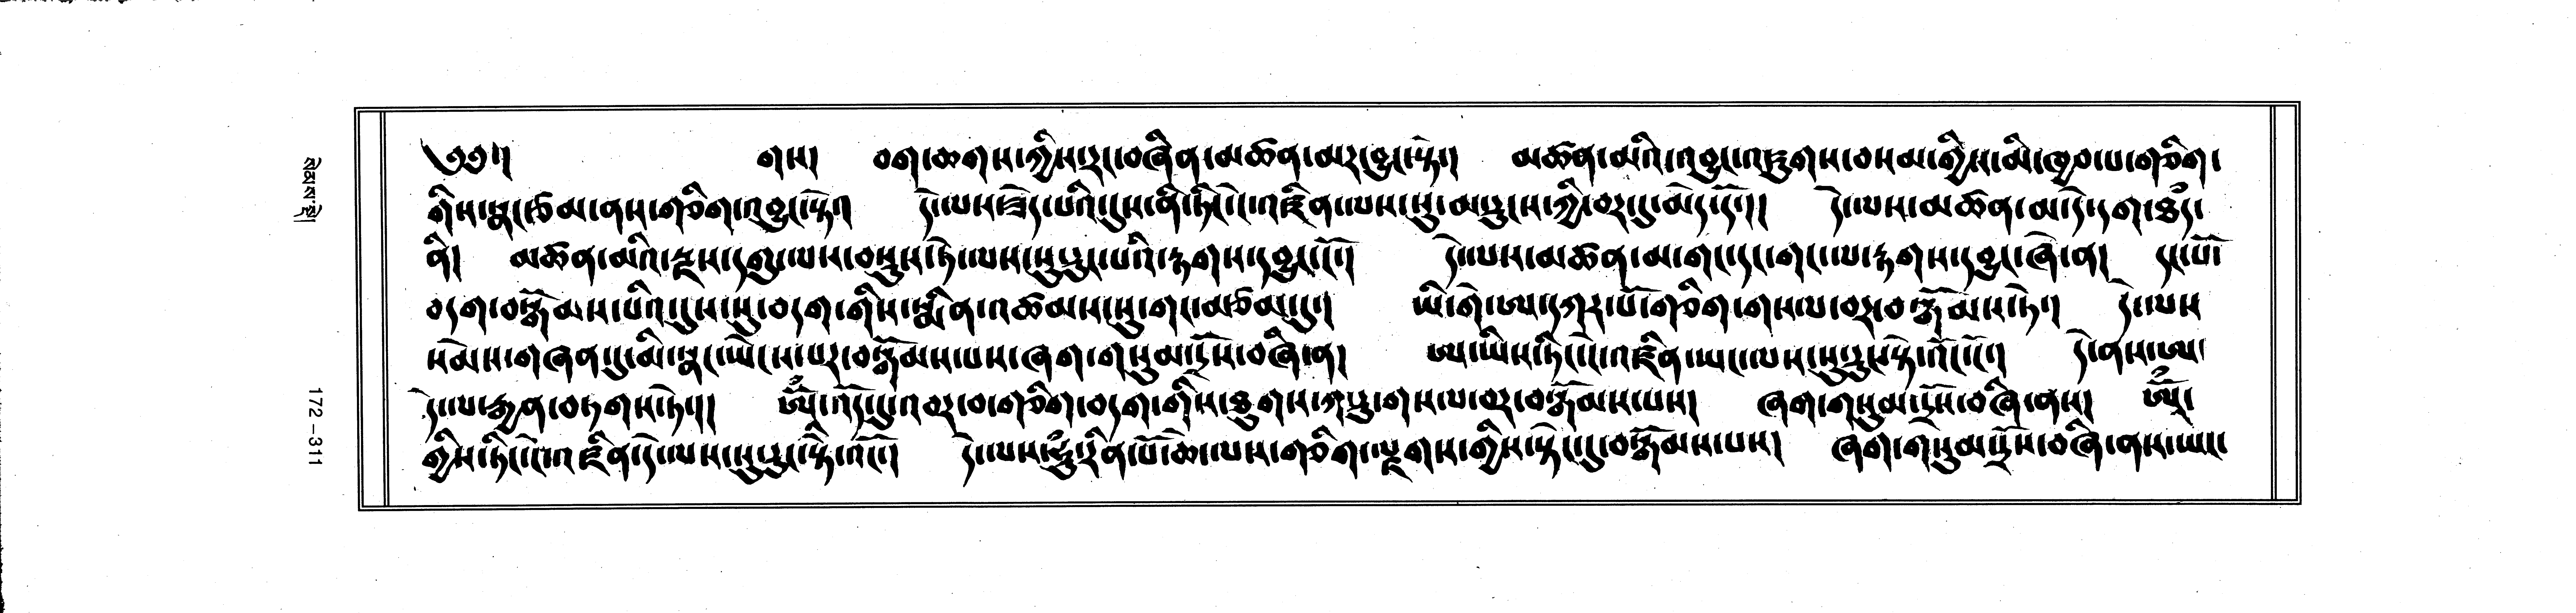གིས། བག་ཆགས་ཀྱིས་རང་བཞིན་མཚན་མར་བྱུང་སྟེ། མཚན་མའི་འབྱུང་འཇུགས་བསམ་གྱིས་མི་ཁྱབ་པ་གཅིག་
གིས་སྣང་ཙམ་ནས་གཅིག་འབྱུང་སྟེ། དེ་ལས་ཟེད་པའི་དུས་ནི་ཏིང་ངེ་འཛིན་ལས་སུ་མ་རུངས་ཀྱི་བར་དུ་མེད་དོ། དེ་ལས་མཚན་མ་དེ་དག་ཐམས་ཅད་
ནི། མཚན་མའི་རྫས་དགུ་ལས་བསྡུས་ཏེ་ལས་སུ་རུང་པའི་རྟགས་དབྱུང་ངོ་། དེ་ལས་མཚན་མ་གང་དང་གང་ལ་རྟགས་དབྱུང་ཞེ་ན། དང་པོ་
བདག་བསྒོམས་པའི་དུས་སུ་བདག་གིས་སྨིན་འཚམས་སུ་གང་བཙམ་དུ། ཡི་གེ་ཨ་དཀར་པོ་གཅིག་གསལ་བར་བསྒོམས་ཏེ། དེ་ལས་
སེམས་གཞན་དུ་མི་སྣང་གཡེངས་པར་བསྒོམས་པས་ཞག་གསུམ་དྲོས་བཞི་ན། ཨ་ཡིས་ཏིང་ངེ་འཛིན་ཡང་ལས་སུ་རུང་སྟེ་འོང་ངོ་། དེ་ནས་ཨ་
དེ་ལ་རྒྱན་བཏགས་ཏེ། ཨཱོྃ་འོད་དུ་འབར་བ་གཅིག་བདག་གི་ཐུགས་ཀ་རུ་གསལ་བར་བསྒོམས་པས། ཞག་གསུམ་དྲོས་བཞི་ནས། ཨཱོྃ་
གྱིས་ཏིང་ངེ་འཛིན་དེ་ལས་སུ་རུང་སྟེ་འོང་། དེ་ལས་ཧཱུྃ་རིན་པོ་ཆེ་ལས་གཅིག་ལྗགས་གྱིས་སྟེང་དུ་བསྒོམས་པས། ཞག་གསུམ་དྲོས་བཞི་ནས་ཡང་